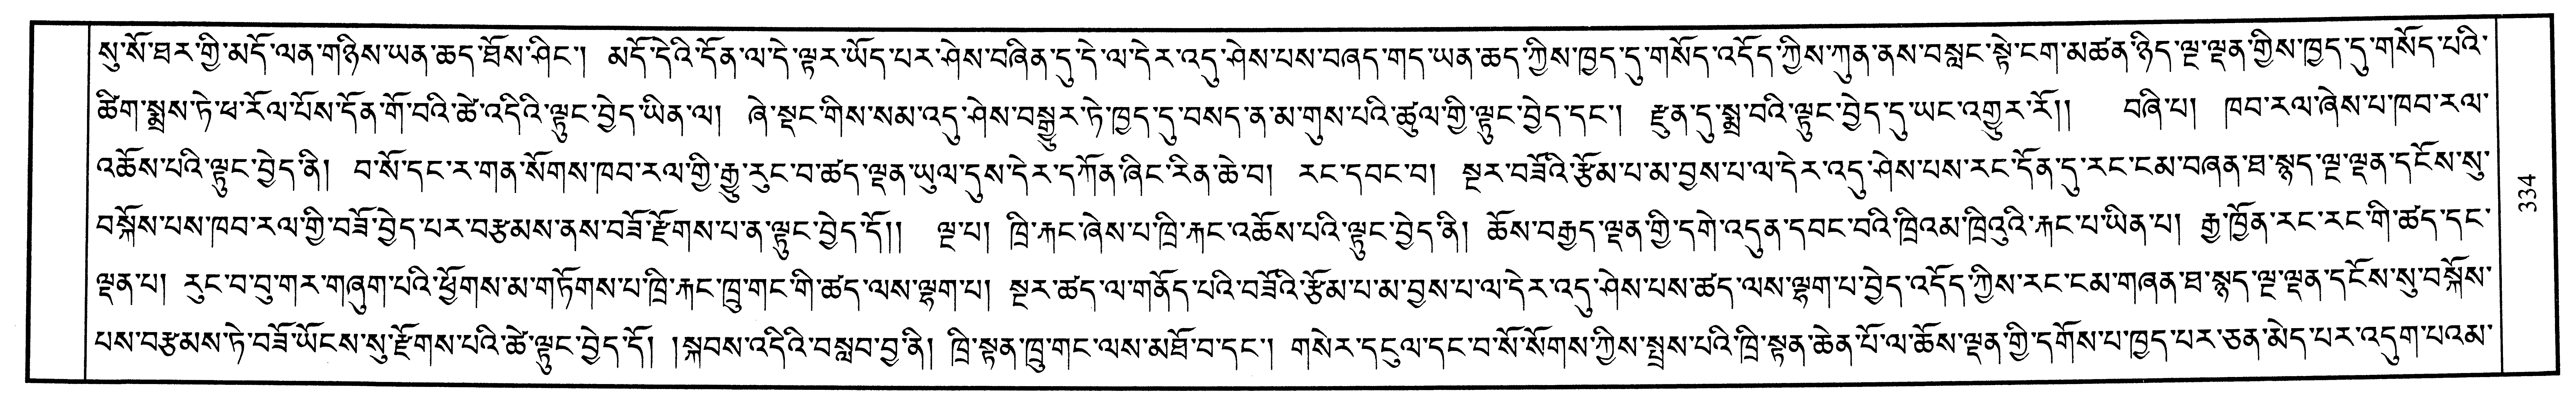སུ་སོ་ཐར་གྱི་མདོ་ལན་གཉིས་ཡན་ཆད་ཐོས་ཤིང་། མདོ་དེའི་དོན་ལ་དེ་ལྟར་ཡོད་པར་ཤེས་བཞིན་དུ་དེ་ལ་དེར་འདུ་ཤེས་པས་བཞད་གད་ཡན་ཆད་ཀྱིས་ཁྱད་དུ་གསོད་འདོད་ཀྱིས་ཀུན་ནས་བསླང་སྟེ་ངག་མཚན་ཉིད་ལྔ་ལྡན་གྱིས་ཁྱད་དུ་གསོད་པའི་
ཚིག་སྨྲས་ཏེ་ཕ་རོལ་པོས་དོན་གོ་བའི་ཚེ་འདིའི་ལྟུང་བྱེད་ཡིན་ལ། ཞེ་སྡང་གིས་སམ་འདུ་ཤེས་བསྒྱུར་ཏེ་ཁྱད་དུ་བསད་ན་མ་གུས་པའི་ཚུལ་གྱི་ལྟུང་བྱེད་དང་། རྫུན་དུ་སྨྲ་བའི་ལྟུང་བྱེད་དུ་ཡང་འགྱུར་རོ།། བཞི་པ། ཁབ་རལ་ཞེས་པ་ཁབ་རལ་
འཆོས་པའི་ལྟུང་བྱེད་ནི། བ་སོ་དང་ར་གན་སོགས་ཁབ་རལ་གྱི་རྒྱུ་རུང་བ་ཚད་ལྡན་ཡུལ་དུས་དེར་དཀོན་ཞིང་རིན་ཆེ་བ། རང་དབང་བ། སྔར་བཟོའི་རྩོམ་པ་མ་བྱས་པ་ལ་དེར་འདུ་ཤེས་པས་རང་དོན་དུ་རང་ངམ་བཞན་ཐ་སྙད་ལྔ་ལྡན་དངོས་སུ་
བསྐོས་པས་ཁབ་རལ་གྱི་བཟོ་བྱེད་པར་བརྩམས་ནས་བཟོ་རྫོགས་པ་ན་ལྟུང་བྱེད་དོ།། ལྔ་པ། ཁྲི་རྐང་ཞེས་པ་ཁྲི་རྐང་འཆོས་པའི་ལྟུང་བྱེད་ནི། ཆོས་བརྒྱད་ལྡན་གྱི་དགེ་འདུན་དབང་བའི་ཁྲིའམ་ཁྲིའུའི་རྐང་པ་ཡིན་པ། རྒྱ་ཁྱོན་རང་རང་གི་ཚད་དང་
ལྡན་པ། རུང་བ་བུ་གར་གཞུག་པའི་ཕྱོགས་མ་གཏོགས་པ་ཁྲི་རྐང་ཁྲུ་གང་གི་ཚད་ལས་ལྷག་པ། སྔར་ཚད་ལ་གནོད་པའི་བཟོའི་རྩོམ་པ་མ་བྱས་པ་ལ་དེར་འདུ་ཤེས་པས་ཚད་ལས་ལྷག་པ་བྱེད་འདོད་ཀྱིས་རང་ངམ་གཞན་ཐ་སྙད་ལྔ་ལྡན་དངོས་སུ་བསྐོས་
པས་བརྩམས་ཏེ་བཟོ་ཡོངས་སུ་རྫོགས་པའི་ཚེ་ལྟུང་བྱེད་དོ། །སྐབས་འདིའི་བསླབ་བྱ་ནི། ཁྲི་སྟན་ཁྲུ་གང་ལས་མཐོ་བ་དང་། གསེར་དངུལ་དང་བ་སོ་སོགས་ཀྱིས་སྤྲས་པའི་ཁྲི་སྟན་ཆེན་པོ་ལ་ཆོས་ལྡན་གྱི་དགོས་པ་ཁྱད་པར་ཅན་མེད་པར་འདུག་པའམ་